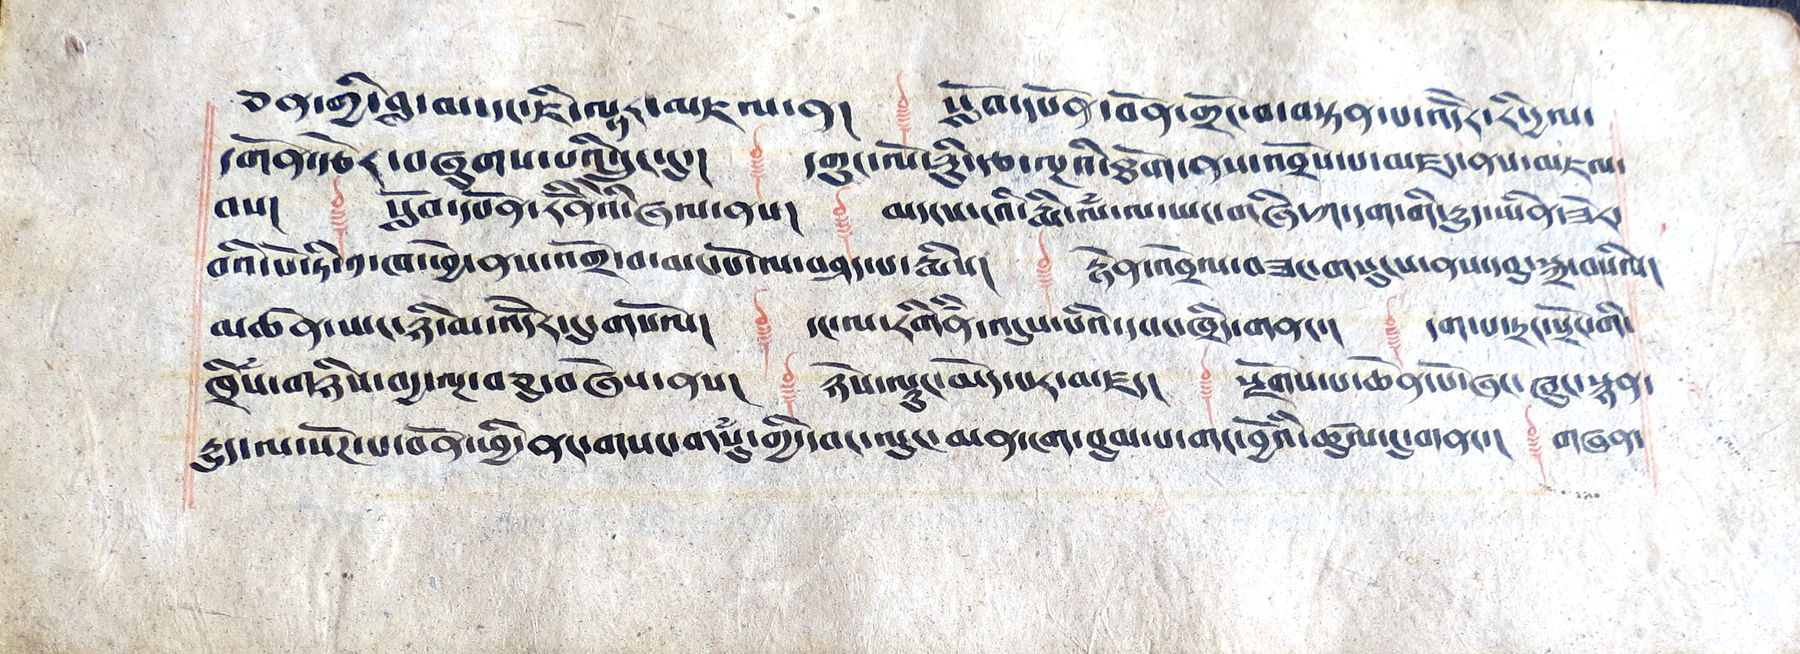ཅན་གྱི་བླ་མ་དང་ཇི་ལྟར་མཇལ་ན། བོན་གྲོང་བསྟན་པ་འོད་ཟེར་རི་རྒྱལ་
དགོན་རྩེར་བཞུགས་པའི་དྲུང་དུ། དགུང་ལོ་ཉི་ཤུ་རྩ་ལྔའི་ཐོག་ནས་འབྲོས་པ་མཛད་ནས་མཇལ་
བས། སློབ་དཔོན་རིན་པོ་ཆེའི་ཞལ་ནས། མདངས་ངའི་རྨི་ལམ་ལ་ཡང་གཞི་ཀ་དག་གི་རྒྱུད་ཡིན་ཟེར་
བའི་པོ་ཏི་ཞིག་ཁ་ཕྱེས་ནས་འགྲོ་བ་མང་པོ་ལ་བཤད་པ་རྨིས། རྟེན་འབྲེལ་བཟང་གསུངས་ནས་དབུ་སྐྲ་བསིལ། 
མཚན་ཡང་ཉི་མ་འོད་ཟེར་དུ་གསོལ། དང་ལ་རིག་འཛིན་འདུས་པའི་དབང་ཁྲིད་གནང་། དག་པ་དྲང་སྲོང་གི་
ཁྲིམས་ཉིས་བརྒྱ་ལྔ་བཅུ་བཞེས་ནས། ཉེས་ལྟུང་མེད་པར་མཛད། རྫོགས་པ་ཆེན་པོ་ཞང་ཞུང་སྙན་
རྒྱུད་ལ་སོགས་པ་བོན་ཕྱི་ནང་གསང་གསུམ་གྱི་དབང་ལུང་བུམ་པ་གང་བྱོའི་ཚུལ་དུ་གནང་། གཞན་